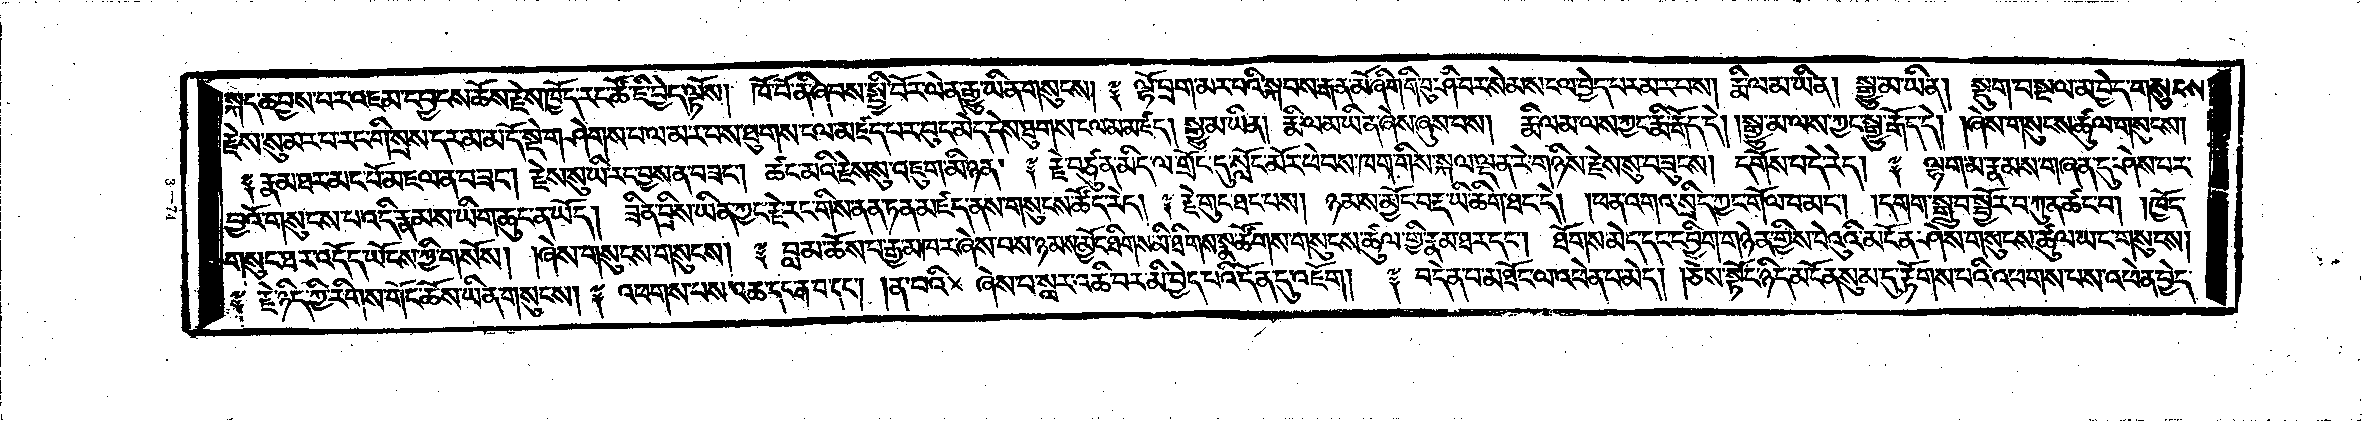སྐད་ཆ་བྱས་པར་འཇམ་དབྱངས་ཆོས་རྗེས་ཁྱོད་རང་ཚོ་ཇི་བྱེད་ལྟོས། ཁོ་བོ་ནི་ཞབས་སྤྱི་བོར་ལེན་རྒྱུ་ཡིན་གསུངས། ༈ ལྷོ་བྲག་མར་པའི་སྐབས་རྒན་མོ་ཞིག་གི་བུ་ཤི་བར་སེམས་ངལ་བྱེད་པར་མར་བས། རྨི་ལམ་ཡིན། སྒྱུ་མ་ཡིན། སྡུག་བསྔལ་མ་བྱེད་གསུངས་
རྗེས་སུ་མ་རབ་རང་གི་སྲས་དར་མ་མདོ་སྡེ་གཤེགས་པ་ལ་མར་པས་ཐུགས་ངལ་མཛད་པར་བུད་མེད་དེས་ཐུགས་ངལ་མ་མཛད། སྒྱུ་མ་ཡིན། རྨི་ལམ་ཡིན་ཞེས་ཞུས་པས། རྨི་ལམ་ལས་ཀྱང་རྨི་རྒོད་དེ། །སྒྱུ་མ་ལས་ཀྱང་སྒྱུ་རྒོད་དེ། །ཞེས་གསུངས་ཚུལ་གསུངས།
༈ རྣམ་ཐར་མང་པོ་མཇལ་ན་བཟང་། རྗེས་སུ་ཡི་རང་བྱས་ན་བཟང་། ཚང་མའི་རྗེས་སུ་འཇུག་མི་ཉན་༈ རྗེ་བཙུན་མིད་ལ་གྲོང་དུ་སློང་མོར་ཕེབས་ཁག་གིས་སྐལ་ལྡན་རེ་གཉིས་རྗེས་སུ་བཟུངས། དགོས་པ་དེ་རེད། ༈ ལྷག་མ་རྣམས་གཞན་དུ་ཤེས་པར་
བྱའོ་གསུངས་པ་འདི་རྣམས་ཡིག་ཆུང་ན་ཡོད། ཟིན་བྲིས་ཡིན་ཀྱང་རྗེ་རང་གིས་ནན་ཏན་མཛད་ནས་གསུངས་ཚོད་རེད། ༈ རྗེ་གུང་ཐང་པས། ཉམས་མྱོང་བརྡ་ཡི་ཆིག་ཐང་དེ། །ཕན་འགའ་སྲིད་ཀྱང་གོལ་བ་མང་། །དགག་སྒྲུབ་སྦྱོར་བ་ཀུན་ཚང་བ། །ཁྱོད་
གསུང་ཐར་འདོད་ཡོངས་ཀྱི་གསོས། །ཞེས་གསུངས་གསུངས། ༈ བླ་མ་ཆོས་པ་རྒྱ་མཁར་ཞེས་བས་ཉམས་མྱོང་ཐིགས་མི་ཐིགས་སྣ་ཚོགས་གསུངས་ཚུལ་གྱི་རྣམ་ཐར་དང་། ཐོགས་མེད་དང་དབྱིག་གཉེན་གྱིས་བེའུའི་མངོན་ཤེས་གསུངས་ཚུལ་ཡང་གསུངས།
༈ རྗེ་ཉིད་ཀྱི་རིགས་གོང་ཆོས་ཡིན་གསུངས། ༈ འཕགས་པས་འཆ་དང་རྒ་བ་དང་། །ན་བའི྾་ཞེས་པ་སླར་འཆི་བར་མི་བྱེད་པའི་དོན་དུ་འཇོག། ༈ བདེན་པ་མཐོང་ལ་འཕེན་པ་མེད། །ཅེས་སྟོང་ཉིད་མངོན་སུམ་དུ་རྟོགས་པའི་འཕགས་པས་འཕེན་བྱེད་